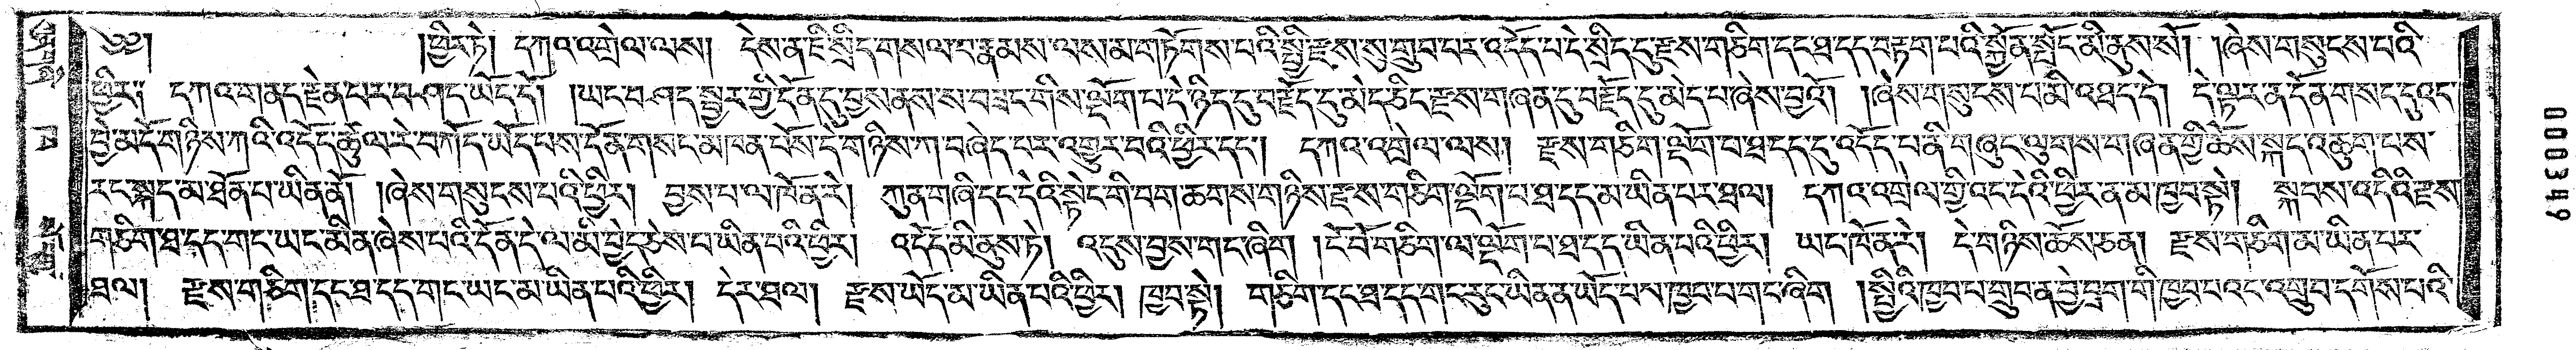༄༅། །ཕྱིར་ཏེ། དཀའ་འགྲེལ་ལས། དེས་ན་ཇི་སྲིད་གསལ་བ་རྣམས་ལས་མ་གཏོགས་པའི་སྤྱི་རྗེས་སུ་གྲུབ་པར་འདོད་པ་དེ་སྲིད་དུ་རྫས་གཅིག་དང་ཐ་དད་བརྟག་པའི་སྐྱོན་སྤོང་མི་ནུས་སོ། །ཞེས་གསུངས་བའི་
ཕྱིར༑ དཀའ་གནད་རྫེན་པར་བཤད་ཡོད་དོ། །ཡང་བཤད་སྦྱར་གྱི་དོན་དུ་བྱས་ནས་ས་བཟང་གིས་ལྡོག་པ་དེ་ཉིད་དུ་བརྗོད་དུ་མེད་ཅིང་རྫས་གཞན་དུ་བརྗོད་དུ་མེད་པ་ཞེས་བྱའོ། །ཞེས་གསུངས་པ་མི་འཐད་དེ། དེ་ལྟར་ན་དོན་གསང་དུའང་
བྱེ་མདོ་གཉིས་ཀའི་འདོད་ཚུལ་རེ་བཀོད་ཡོད་པས་དོན་གསང་མཁན་པོས་དེ་གཉིས་ཀ་བཞེད་པར་འགྱུར་བའི་ཕྱིར་དང་། དཀའ་འགྲེལ་ལས། རྫས་གཅིག་ལྡོག་པ་ཐ་དད་དུ་འདོད་པ་ནི་གཞུང་ལུགས་གཞན་གྱི་ཆོས་སྐད་འཆུག་པས་
རང་སྐད་མ་ཐོན་པ་ཡིན་ནོ། །ཞེས་གསུངས་པའི་ཕྱིར། བྱས་པ་ལ་ཁོ་ན་རེ། ཀུན་གཞི་དང་དེའི་སྟེང་གི་བག་ཆགས་གཉིས་རྫས་གཅིག་ལྡོག་པ་ཐ་དད་མ་ཡིན་པར་ཐལ། དཀའ་འགྲེལ་གྱིའང་དེའི་ཕྱིར་ན་མ་ཁྱབ་སྟེ། སྐབས་འདིའི་རྫས་
གཅིག་ཐ་དད་གང་ཡང་མིན་ཞེས་པའི་དོན་དེ་ལ་མི་བྱེད་ཅེས་པ་ཡིན་པའི་ཕྱིར། འདོད་མི་ནུས་ཏེ། འདུས་བྱས་གང་ཞིག །ངོ་བོ་གཅིག་ལ་ལྡོག་པ་ཐ་དད་ཡིན་པའི་ཕྱིར། ཡང་ཁོ་ན་རེ། དེ་གཉིས་ཆོས་ཅན། རྫས་གཅིག་མ་ཡིན་པར་
ཐལ། རྫས་གཅིག་དང་ཐ་དད་གང་ཡང་མ་ཡིན་པའི་ཕྱིར། དེར་ཐལ། རྫས་ཡོད་མ་ཡིན་པའི་ཕྱིར། ཁྱབ་སྟེ། གཅིག་དང་ཐ་དད་གང་རུང་ཡིན་ན་ཡོད་པས་ཁྱབ་པ་གང་ཞིག །སྤྱིའི་ཁྱབ་པ་གྲུབ་ན་བྱེ་བྲག་གི་ཁྱབ་བའང་འགྲུབ་དགོས་པའི་